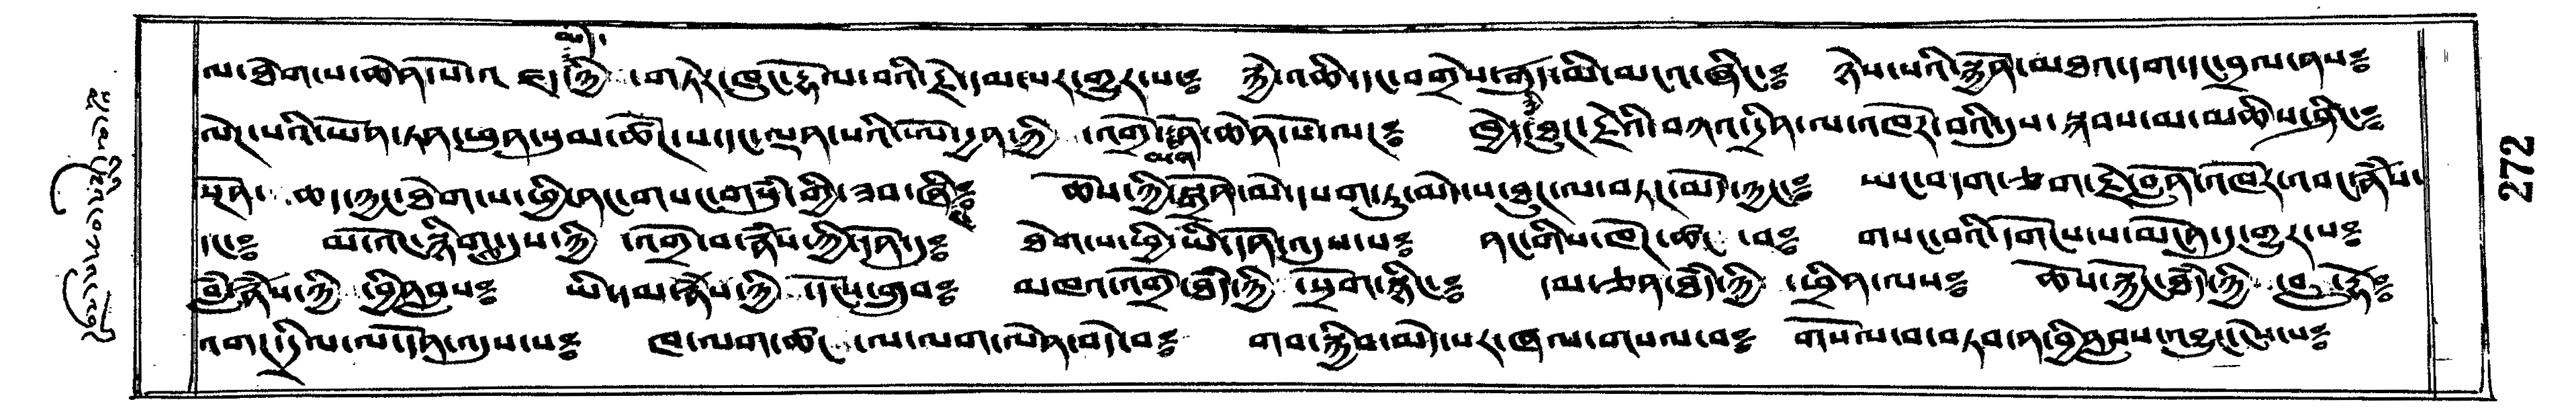ལ་ཐེག་པ་ཆེན་པོ་འཛད་མེད་ཀྱི་གཏེར་ཁུང་རྡོལ་བའི་རྗེ་དམ་པར་གྱུར་པ༔ སྐྱེ་འཆི་དང་བགྲེས་རྒུད་མི་མངའ་ཞིང༔ ཉེས་པའི་སྐྱོན་མཐའ་དག་དང་བྲལ་ནས༔ 
ལེགས་པའི་ཡོན་ཏན་ཕུན་སུམ་ཚོགས་པ་དང་ལྡན་པའི་ཨོ་རྒྱན་གྱི་འགྲོ་མགོན་ཆེན་པོ་ལགས༔ ཁྱེད་ཀྱི་ཐུགས་རྗེའི་བཀའ་དྲིན་ལ་འཁོར་བའི་དུས་སྐབས་མ་མཆིས་ཤིང༔ 
སྔོན་ཆད་ཀྱང་ཐེག་པ་ཕྱི་ནང་གསང་གསུམ་གྱི་ཟབ་ཅིང་༔ ཆོས་ཀྱི་སྒྲོན་མེ་དཔག་ཏུ་མེད་པ་ཐུགས་ལ་བཏགས་མོད་ཀྱང༔ ཡང་བདག་ཅག་རྗེ་བློན་འཁོར་འབངས་རྣམས་
དང༔ མ་འོངས་སྙིགས་དུས་ཀྱི་འགྲོ་བ་རྣམས་ཀྱི་དོན་དུ༔ ཐེག་པ་ཕྱི་ཡི་དོན་འདུས་པ༔ ནང་གིས་ཁོང་ཚང་བ༔ གསང་བའི་དགོངས་པ་མངོན་དུ་གྱུར་པ༔ 
བླ་མ་རྣམས་ཀྱི་བྱིན་རླབས༔ ཡི་དམ་རྣམས་ཀྱི་དངོས་གྲུབ༔ མཁའ་འགྲོ་ཐམས་ཅད་ཀྱི་སྲོག་སྙིང༔ དམ་ཅན་ཐམས་ཅད་ཀྱི་ཕྲིན་ལས༔ ཆོས་སྐྱོང་ཐམས་ཅད་ཀྱི་བླ་རྡོ༔ 
འགག་འདྲིལ་ལ་དོན་འདུས་པ༔ ཁ་ཚང་ལ་ལག་ལེན་བདེ་བ༔གབ་སྦས་མེད་པར་ཞལ་གསལ་བ༔ གསོལ་བ་བཏབ་ན་བྱིན་བརླབས་འབྱུང་ངེས་པ༔